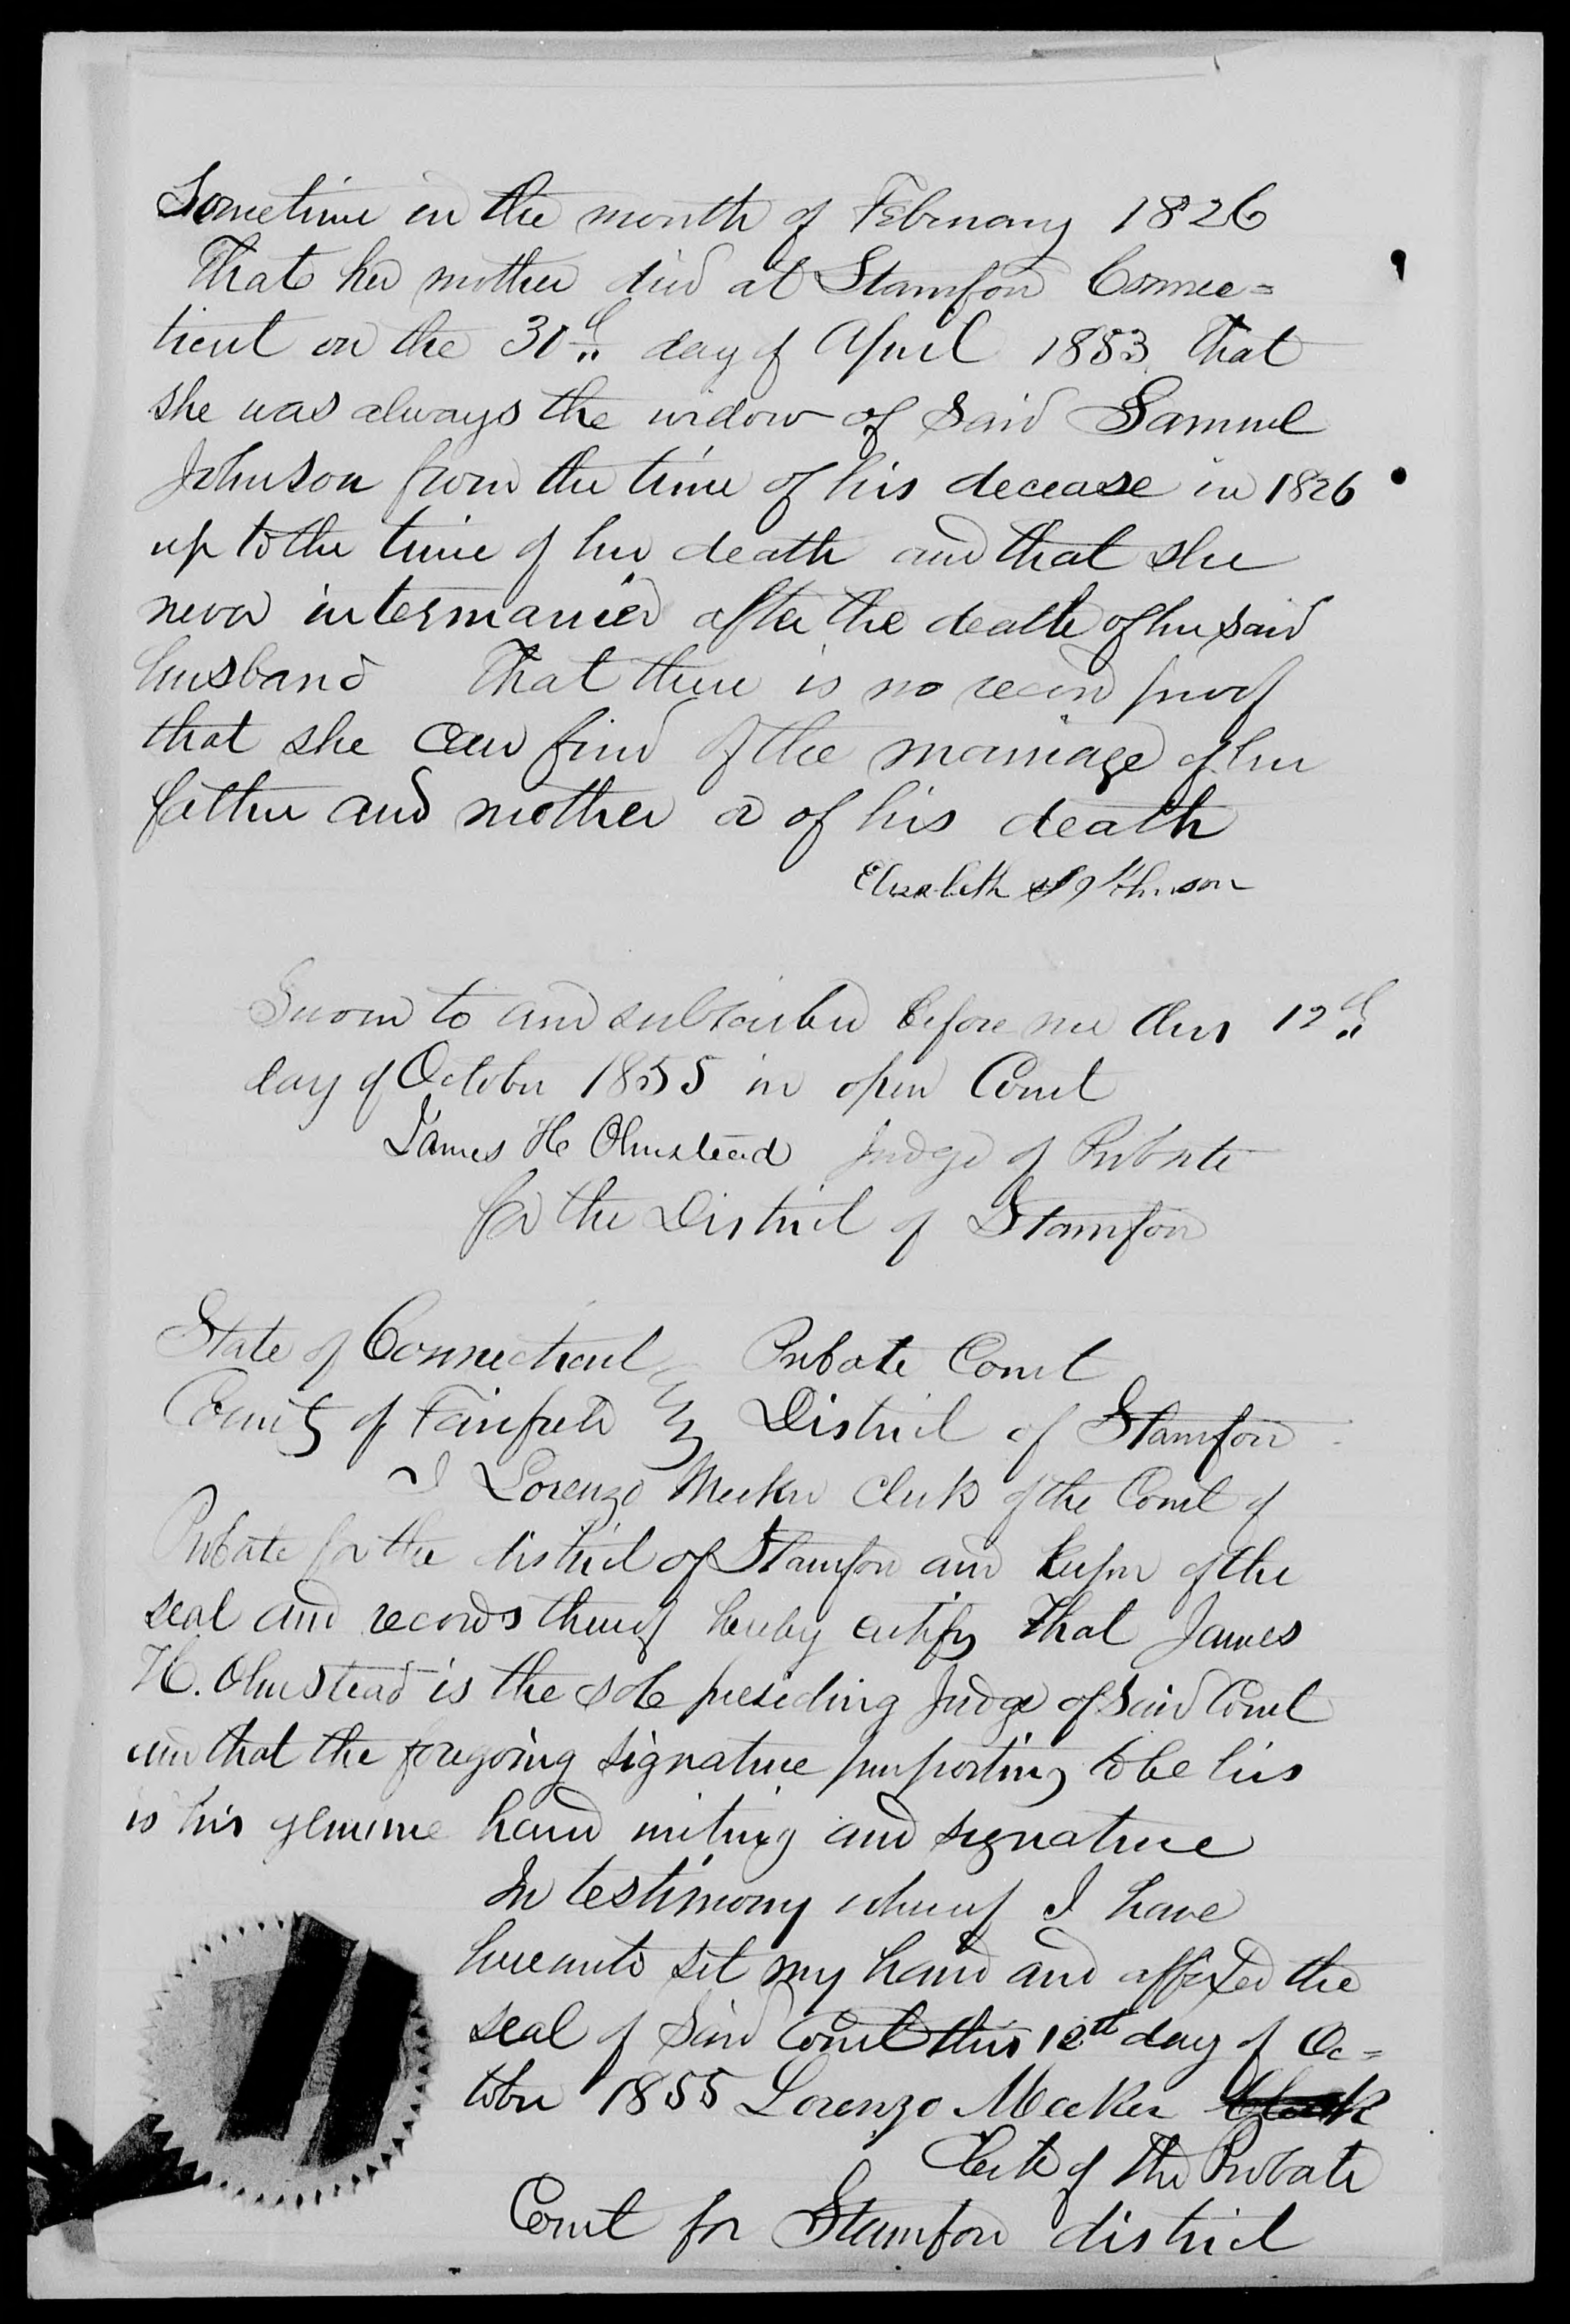Sometime in the month of February 1826.  That her mother died at Stamford Connecticut on the 30th day of April 1883, that she was always the widow of said Samuel Johnson from the time of his decease in 1826 of up the time of her death and that she never intermarried after the death of her said husband that there is no record proof that she can find of the marriage of her father and mother or of his death.   
Elizabeth S Johnson 
Sworn to and subscribed before me this 12th day of October 1855 in open Court 
James H Olmstead Judge of Probate for the District of Stamford 
State of Connecticut 
County of Fairfield  } Probate Court  
District of Stamford 
I Lorenzo Meeker Clerk of the Court of Probate for the District of Stamford and keeper of the seal and records thereof hereby certify that James H. Olmstead is the sole presiding Judge of said Court and that the foregoing signature purporting to be his is his genuine hand writing and signature 
In testimony whereof I have hereunto set my hand and affixed the Seal of Said Court this 12th day of Oct the 1855 
Lorenzo Meeker  Clerk of the Probate Court for Stamford district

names: James H Olmstead; Lorenzo Meeker; Samuel Johnson; Elizabeth S Johnson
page: 15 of 43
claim: rejected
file: R. 5655, for Samuel Johnson, Connecticut